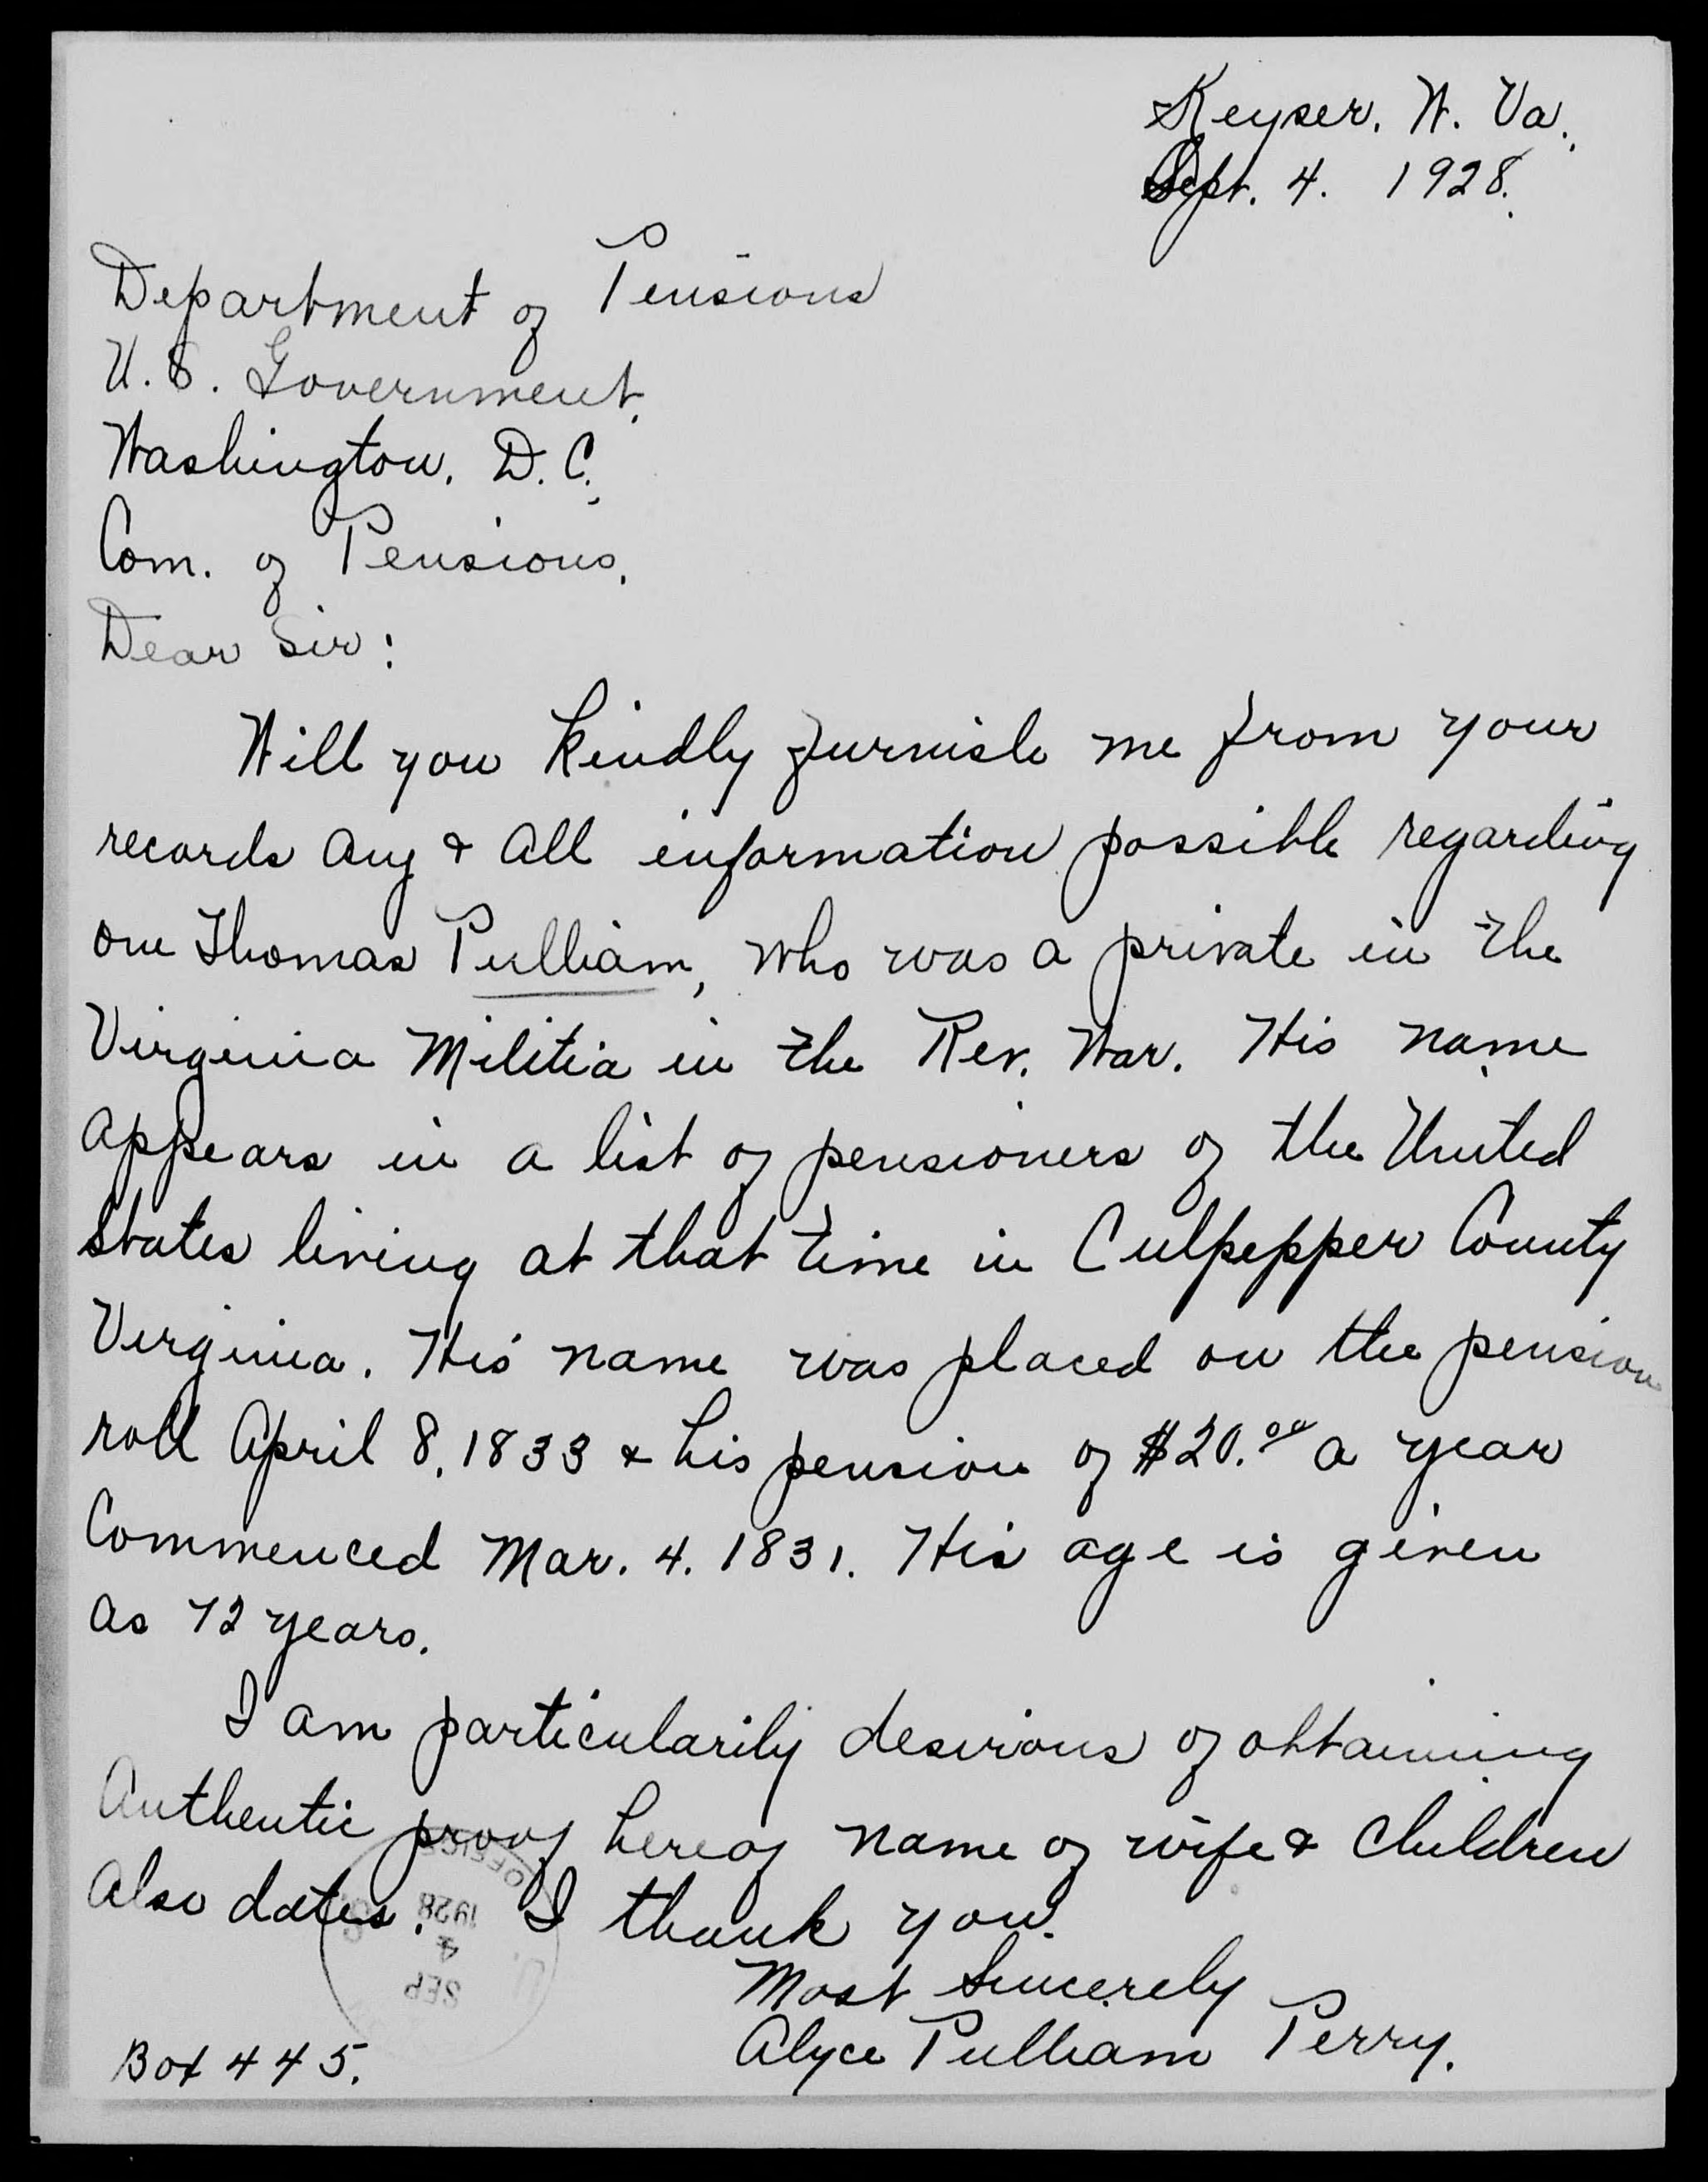Keyser, W. Va
Sept. 4. 1928.

Department of Pensions
U.S. Government
Washington, D.C.
Com. of Pensions

Dear Sir:
Will you kindly furnish me from your
records any & all information possible regarding
one Thomas Pulliam, who was a private in the
Virginia Militia in the Rev. War. His name
appears in a list of pensioners of the United 
States living at that time in Culpepper County
Virginia. His name was placed on the pension
roll April 8, 1833 & his pension of $20 a year
commenced Mar. 4. 1831. His age is given
as 72 years
I am particularly desirous of obtaining
authentic proof hereof name of wife & children
Also dates. I thank you
Most sincerely
Alyce Pulliam Perry

Box 445.

U. S. PENSION OFFICE
SEP 4 1928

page: 25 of 27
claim: survivor's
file: S. 5,955, for Thomas Pulliam, Virginia